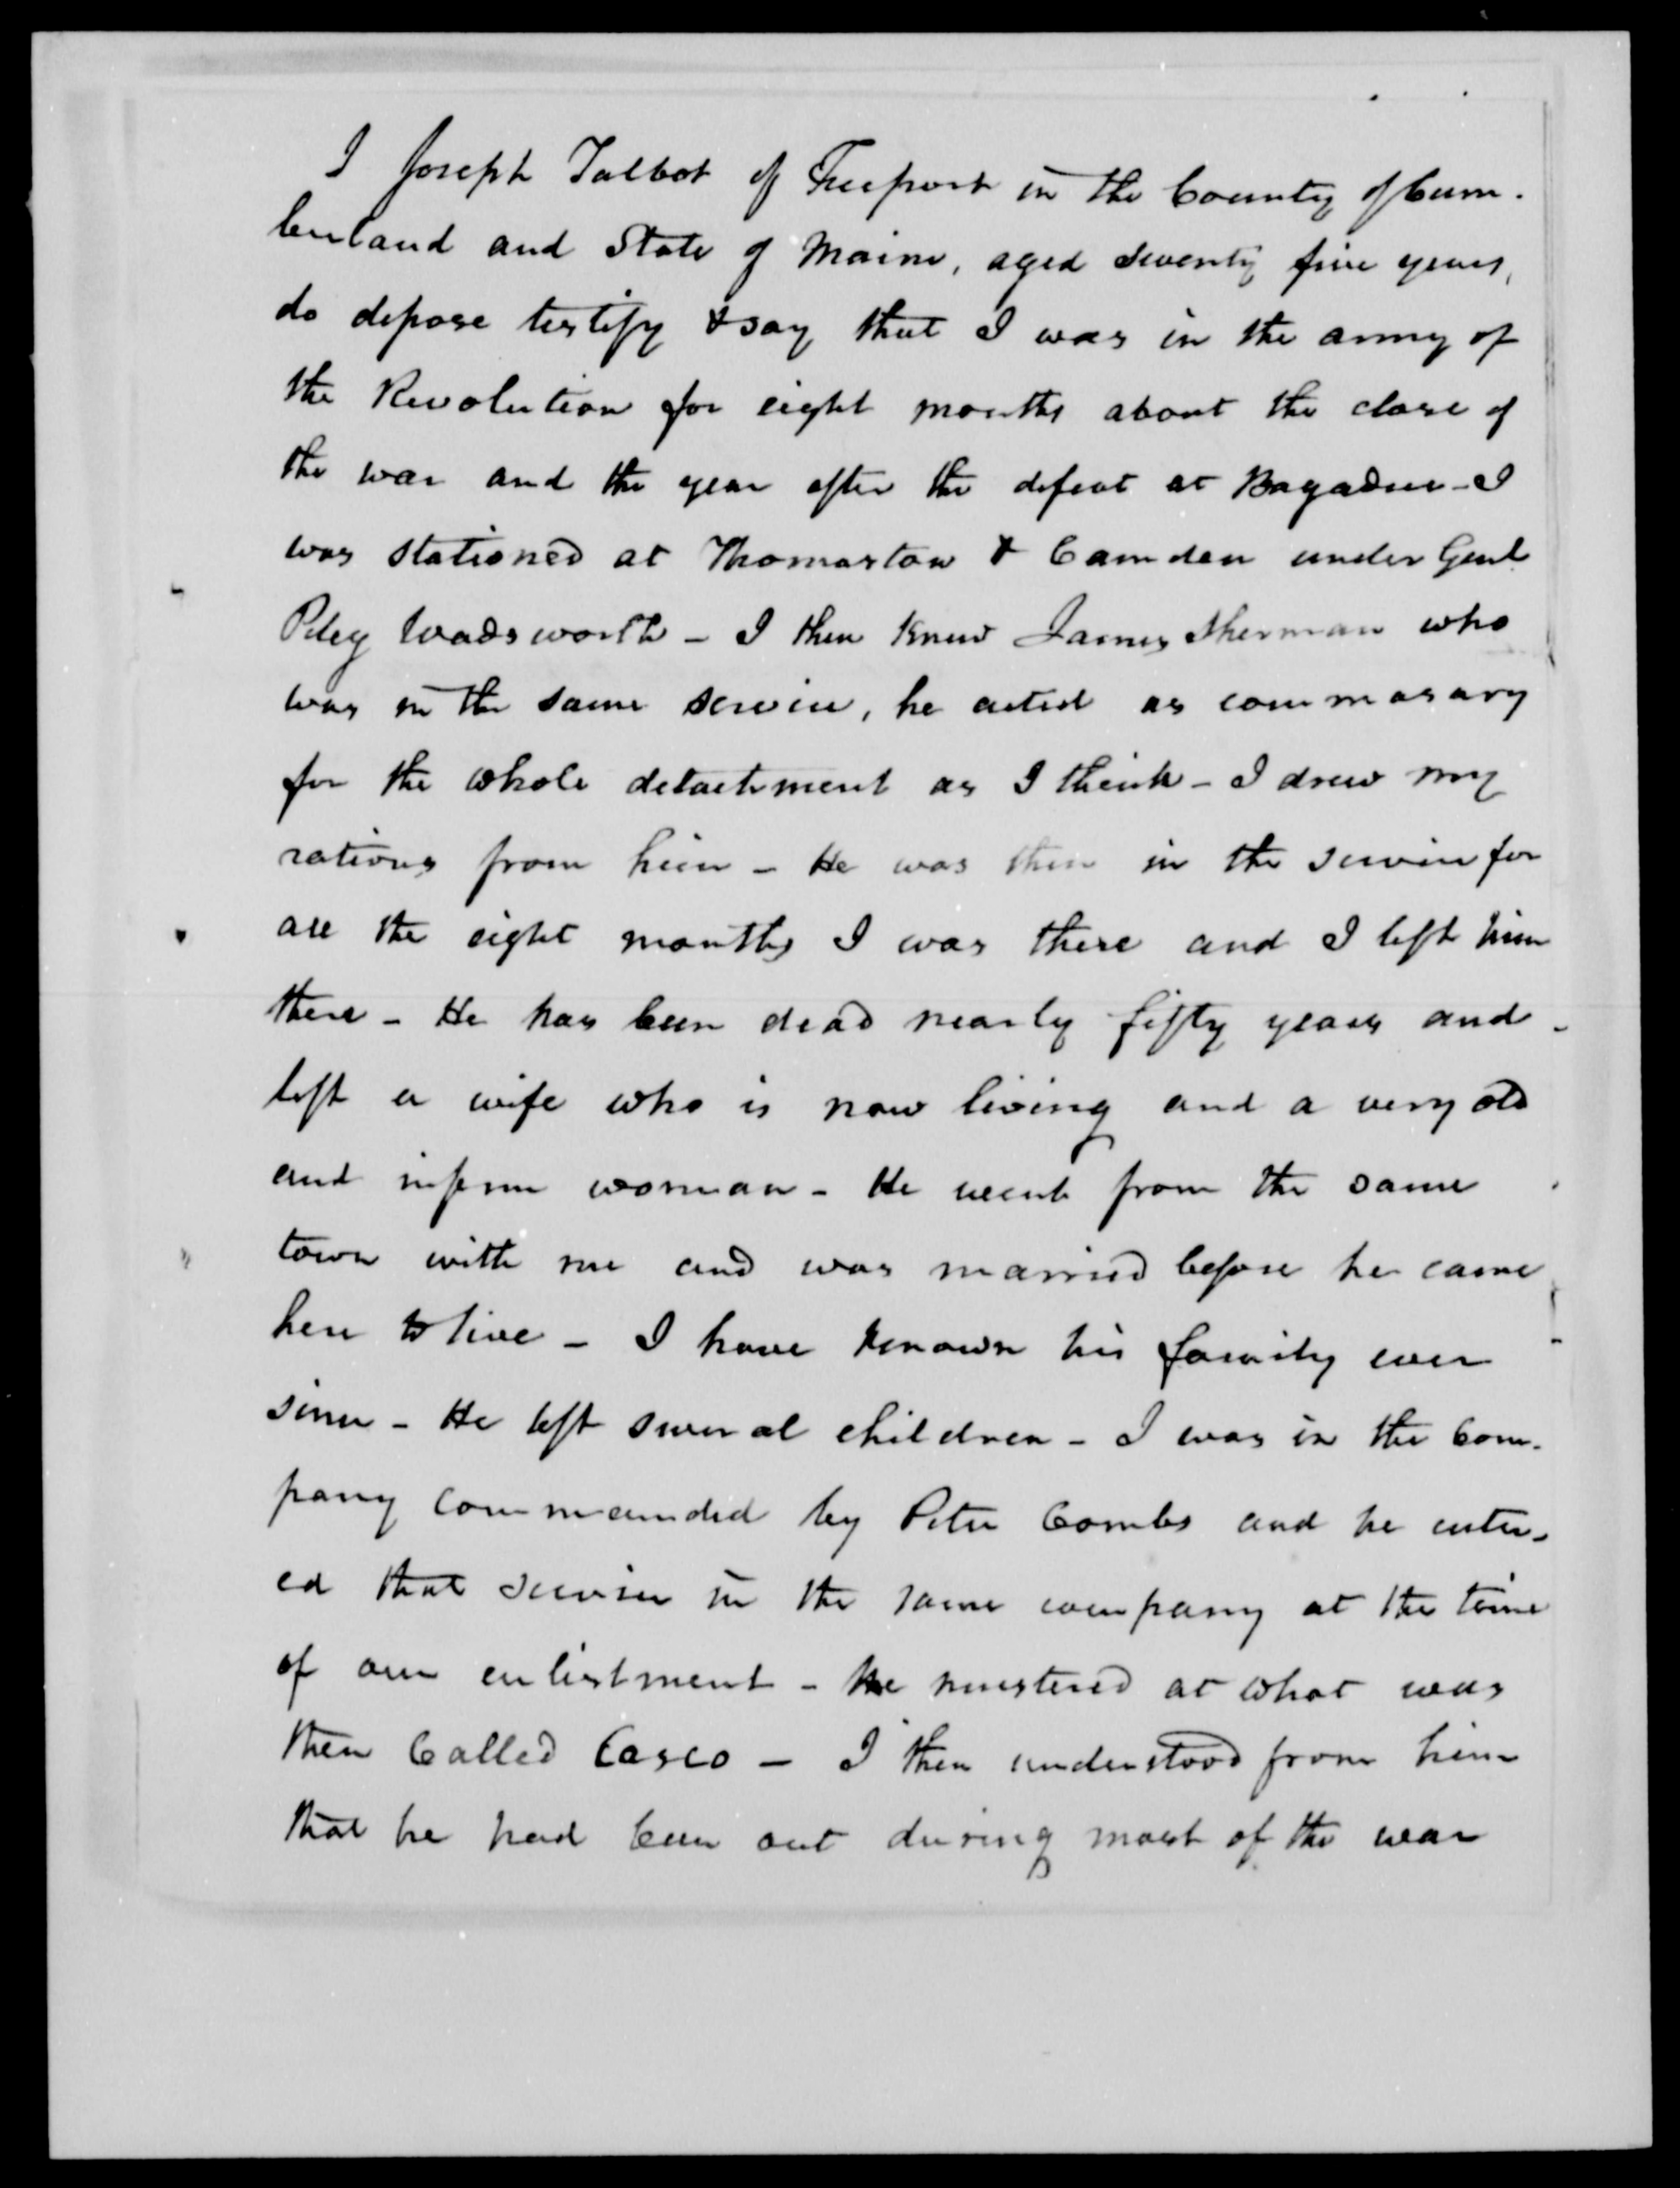[doc is written; page 1 of multipage doc]

I Joseph Talbot of Freeport in the County of Cum
berland and State of Maine, aged seventy five years,
do depose testify and say that I was in the army of
the Revolution for eight months about the close of
the war and that the year after the defeat at Bagaduce---I
was stationed at Thomaston & Camden under Genl
Peleg Wadsworth---I then knew James Sherman who
was in the same service, he acted as commasary
for the whole detachment as I think---I drew my
rations from him---He was then in the service for
all the eight months I was there and I left him
there. He has been dead nearly fifty years and
left a wife who is now living and a very old
and infirm woman. He went from the same
town with me and was married before he came
here to live---I have known his family ever
since---He left several children---I was in the com
pany commanded by Peter Combs and he enter
ed that service in the same company at the time
of our enlistment---He mustered at what was
then called Casco---I then understood from him
that he had been out during most of the war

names: Joseph Talbot; James Sherman; Peter Combs; Peleg Wadsworth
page: 8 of 20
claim: widow's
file: W. 22,200, for James Sherman, Massachusetts